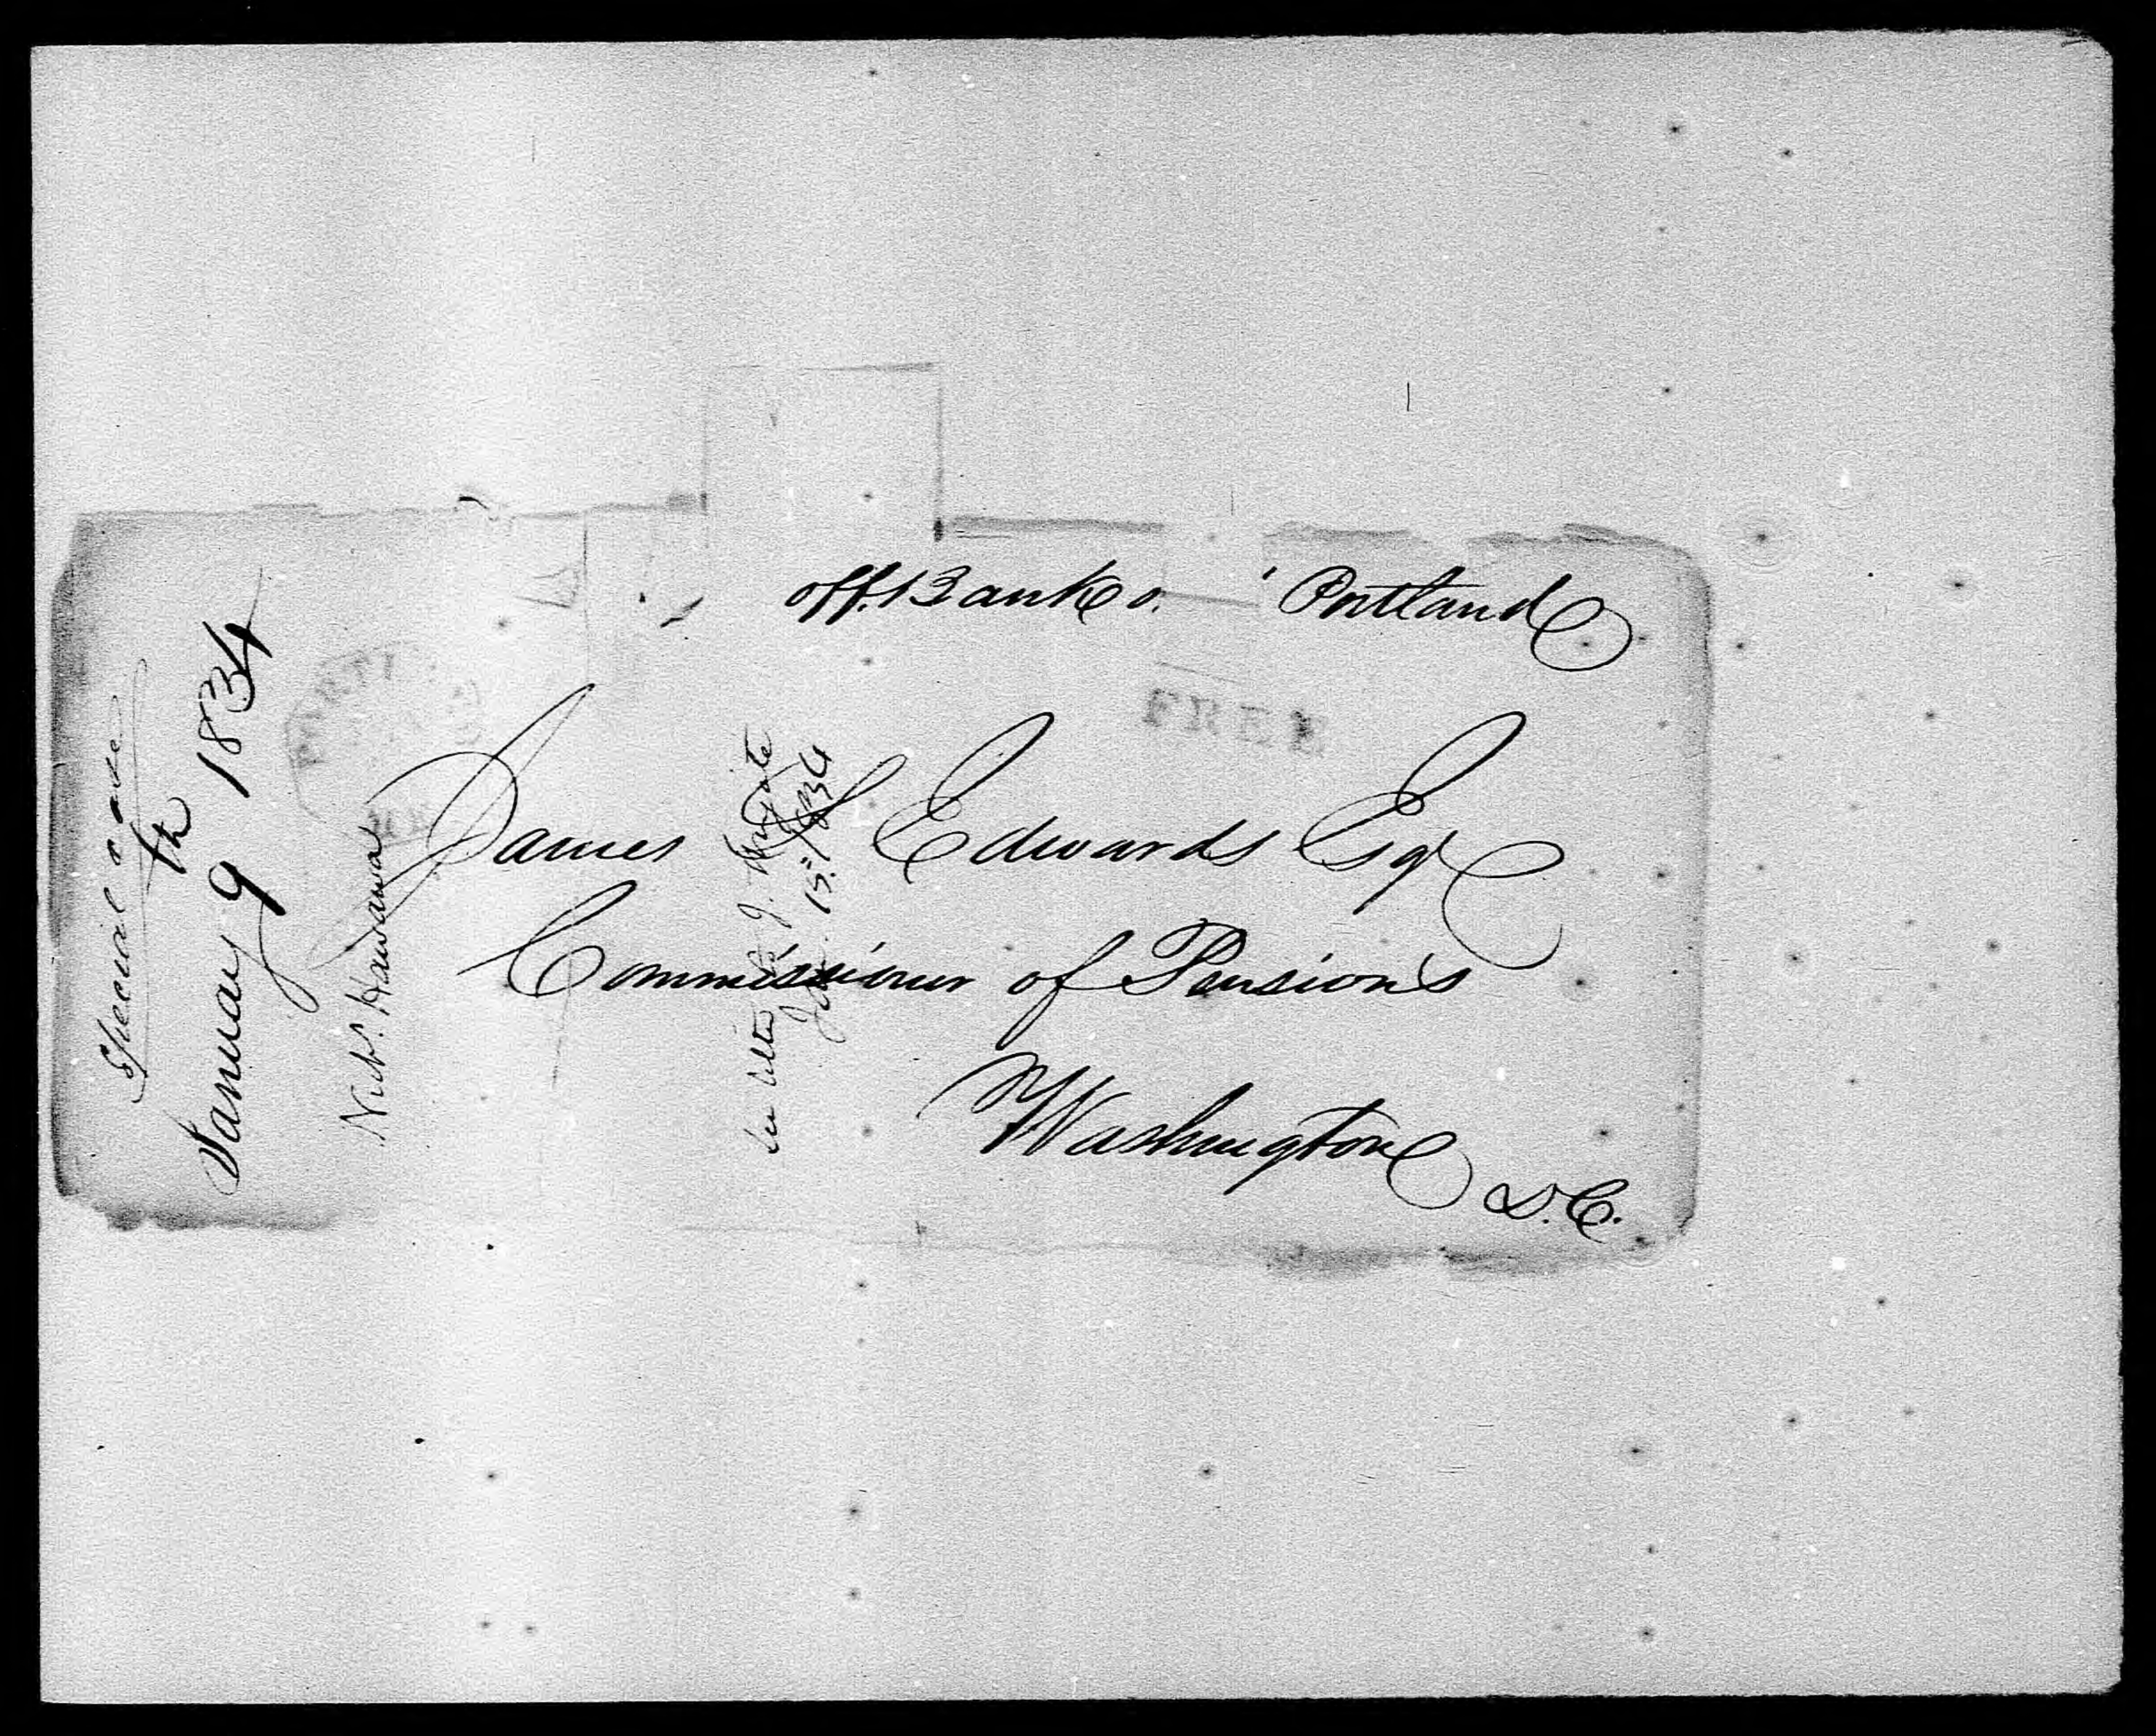Off. Bank [obscured] Portland
James L Edwards Esq
Commissioner of Pensions
Washington D.C.

[vertical text starting left side]
Special case
January 9th 1834
Nichs. Hawawas

See letter to J. Wingate
Jan. 15. 1834

[stamp - PORTLAND, ME]
[stamp - FREE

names: Nichs Hawawas, James L Edwards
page: 32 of 52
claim: survivor's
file: S 17997, Nicholas Hawwawas, Mass.